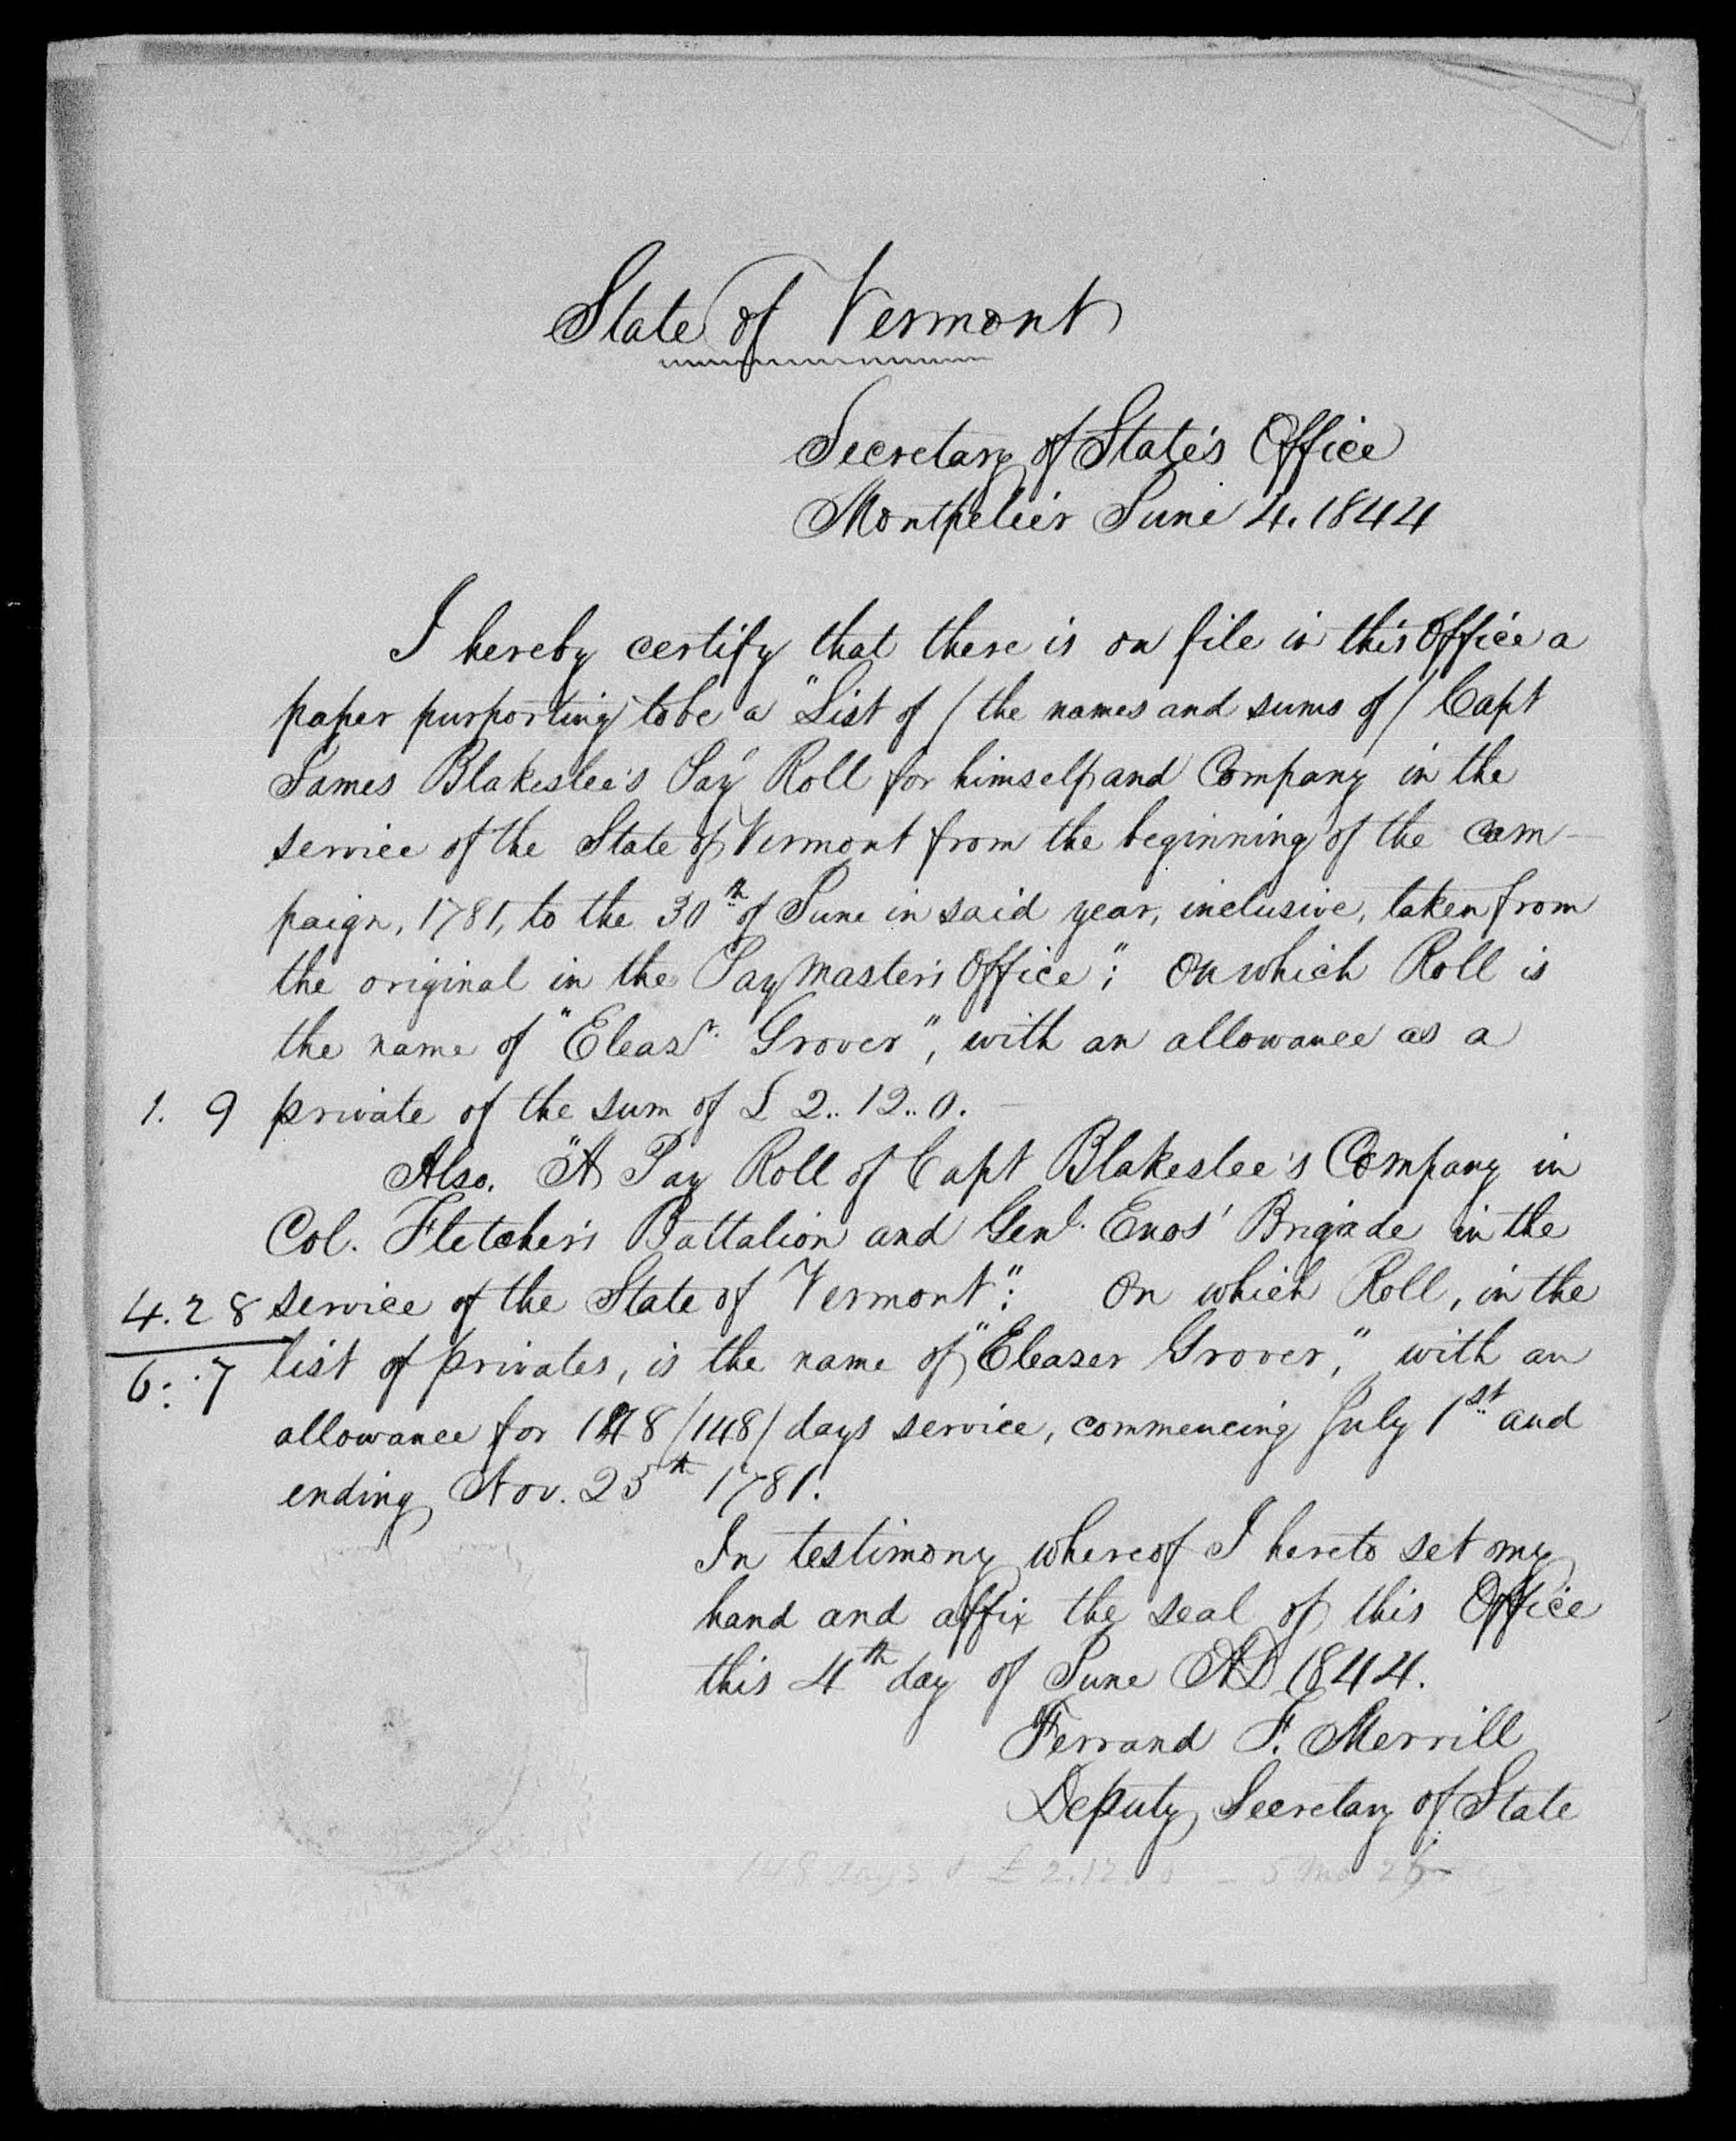State of Vermont
Secretary of State's Office
Montpelier June 4, 1844
I hereby certify that there is on file in this Office a paper purporting to be a "List of/the names and sums of/Capt James Blakeslee's Pay roll for himself and Company in the service of the State of Vermont, from the beginning of the campaign, 1781, to the 30th of June in said year, inclusive, taken from the original in the Paymaster's Office"; on which Roll is the name of "Eleas'r Grover", with an allowance as a [margin note: 1.9] private of the sum of £2.12.0 - 
Also, "A Pay Roll of Capt Blakeslee's Company in Col. Fletcher's Battalion and Gen'l Enos' Brigade in the service of the State of Vermont": On which Roll, in the [margin note: 4.28/6.7] list of privates, is the name of "Eleaser Grover," with an allowance for 148/148/days service, commencing July 1st and ending Nov. 25th 1781.
[official seal affixed] In testimony whereof I hereto set my hand and affix the seal of this Office this 4th day of June AD 1844.
/s/Ferrand F. Merrill
Deputy Secretary of State
[margin notes: 148 days & £2.12.0 - 5 mo 26 d]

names: Ferrand F Merrill, Eleazr Grover, Eleazer Grover, James Blakeslee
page: 42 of 43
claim: survivor's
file: S. 28748, Eleazer Grover, Continental Mass. Vt.